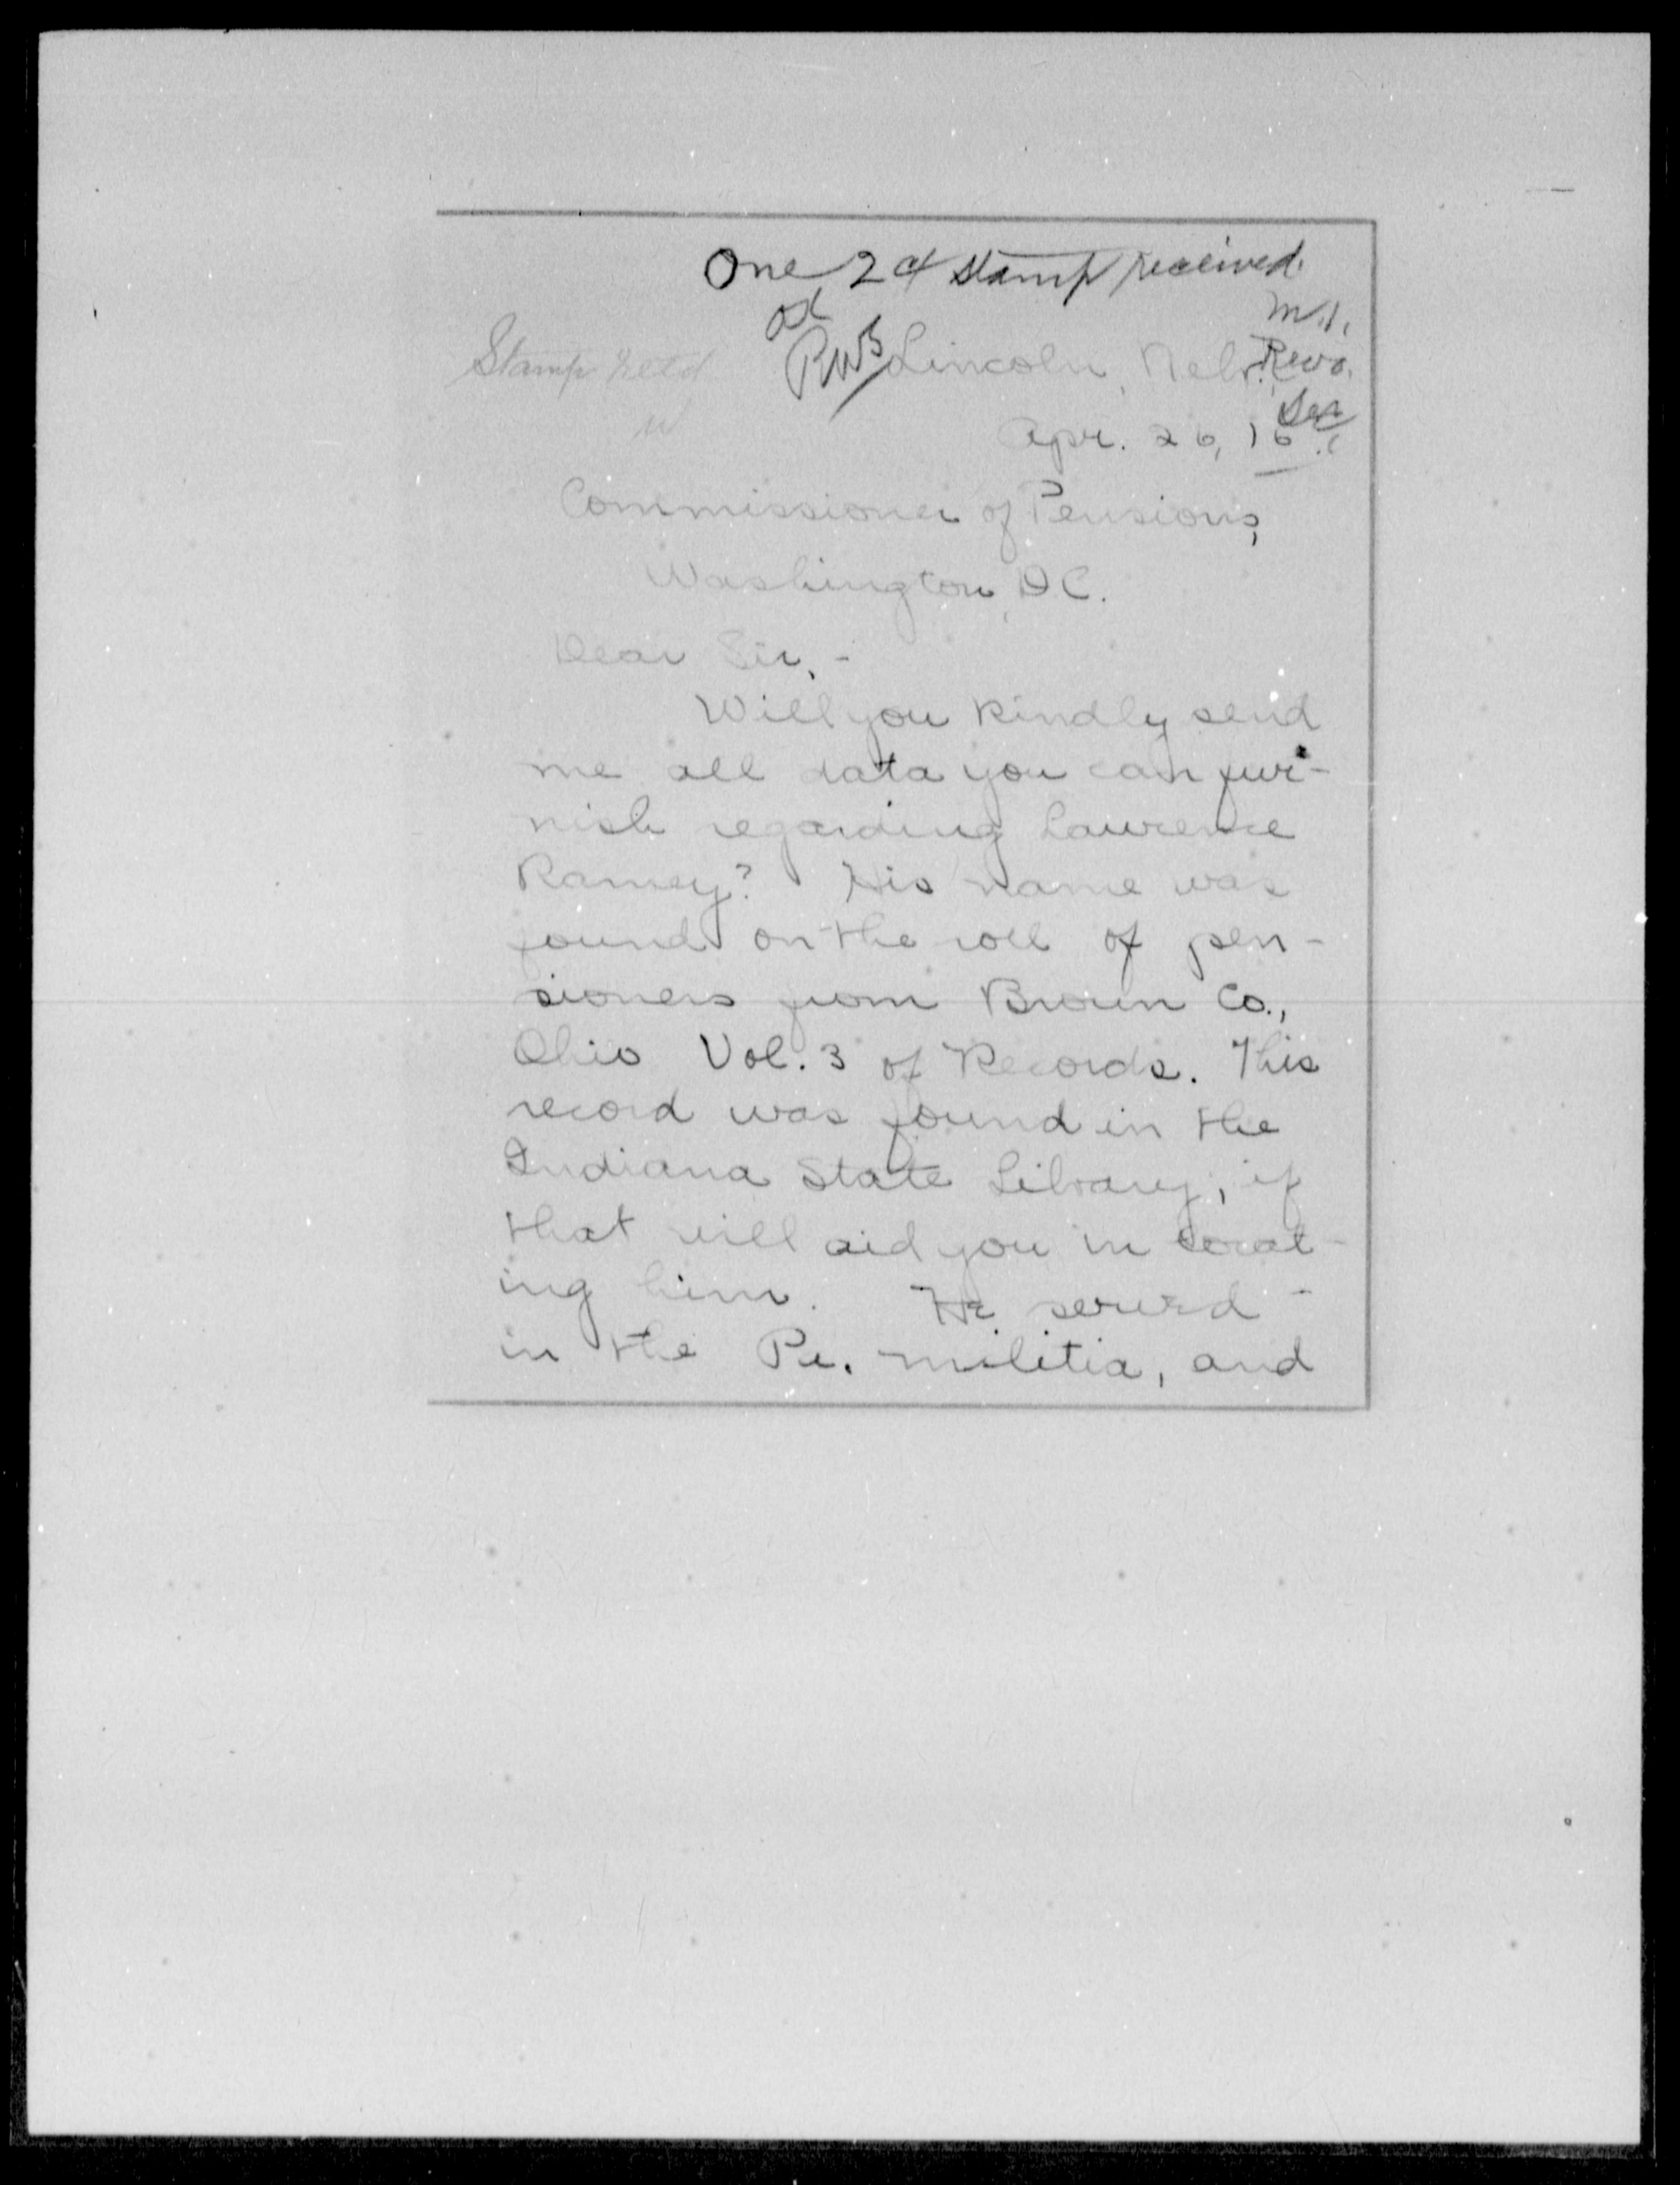One 2 ct Stamp received
M.I.
Stamp retd OK RWS Lincoln, Nebr. Revo.
Sec
Apr. 26, 16
Commissioner of Pensions,
Washington, D.C.
Dear Sir,-
Will you kindly send me all data you can furnish regarding Lawrence Ramey? His name was found on the roll of pensioners from Brown Co. Ohio Vol. 3 of Records. This record was found in the Indiana State Library, if that will aid you in locating him. He served in the Pa. militia, and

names: Lawrence Ramey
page: 63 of 84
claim: widow's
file: W.11104, for John Remay, Virginia